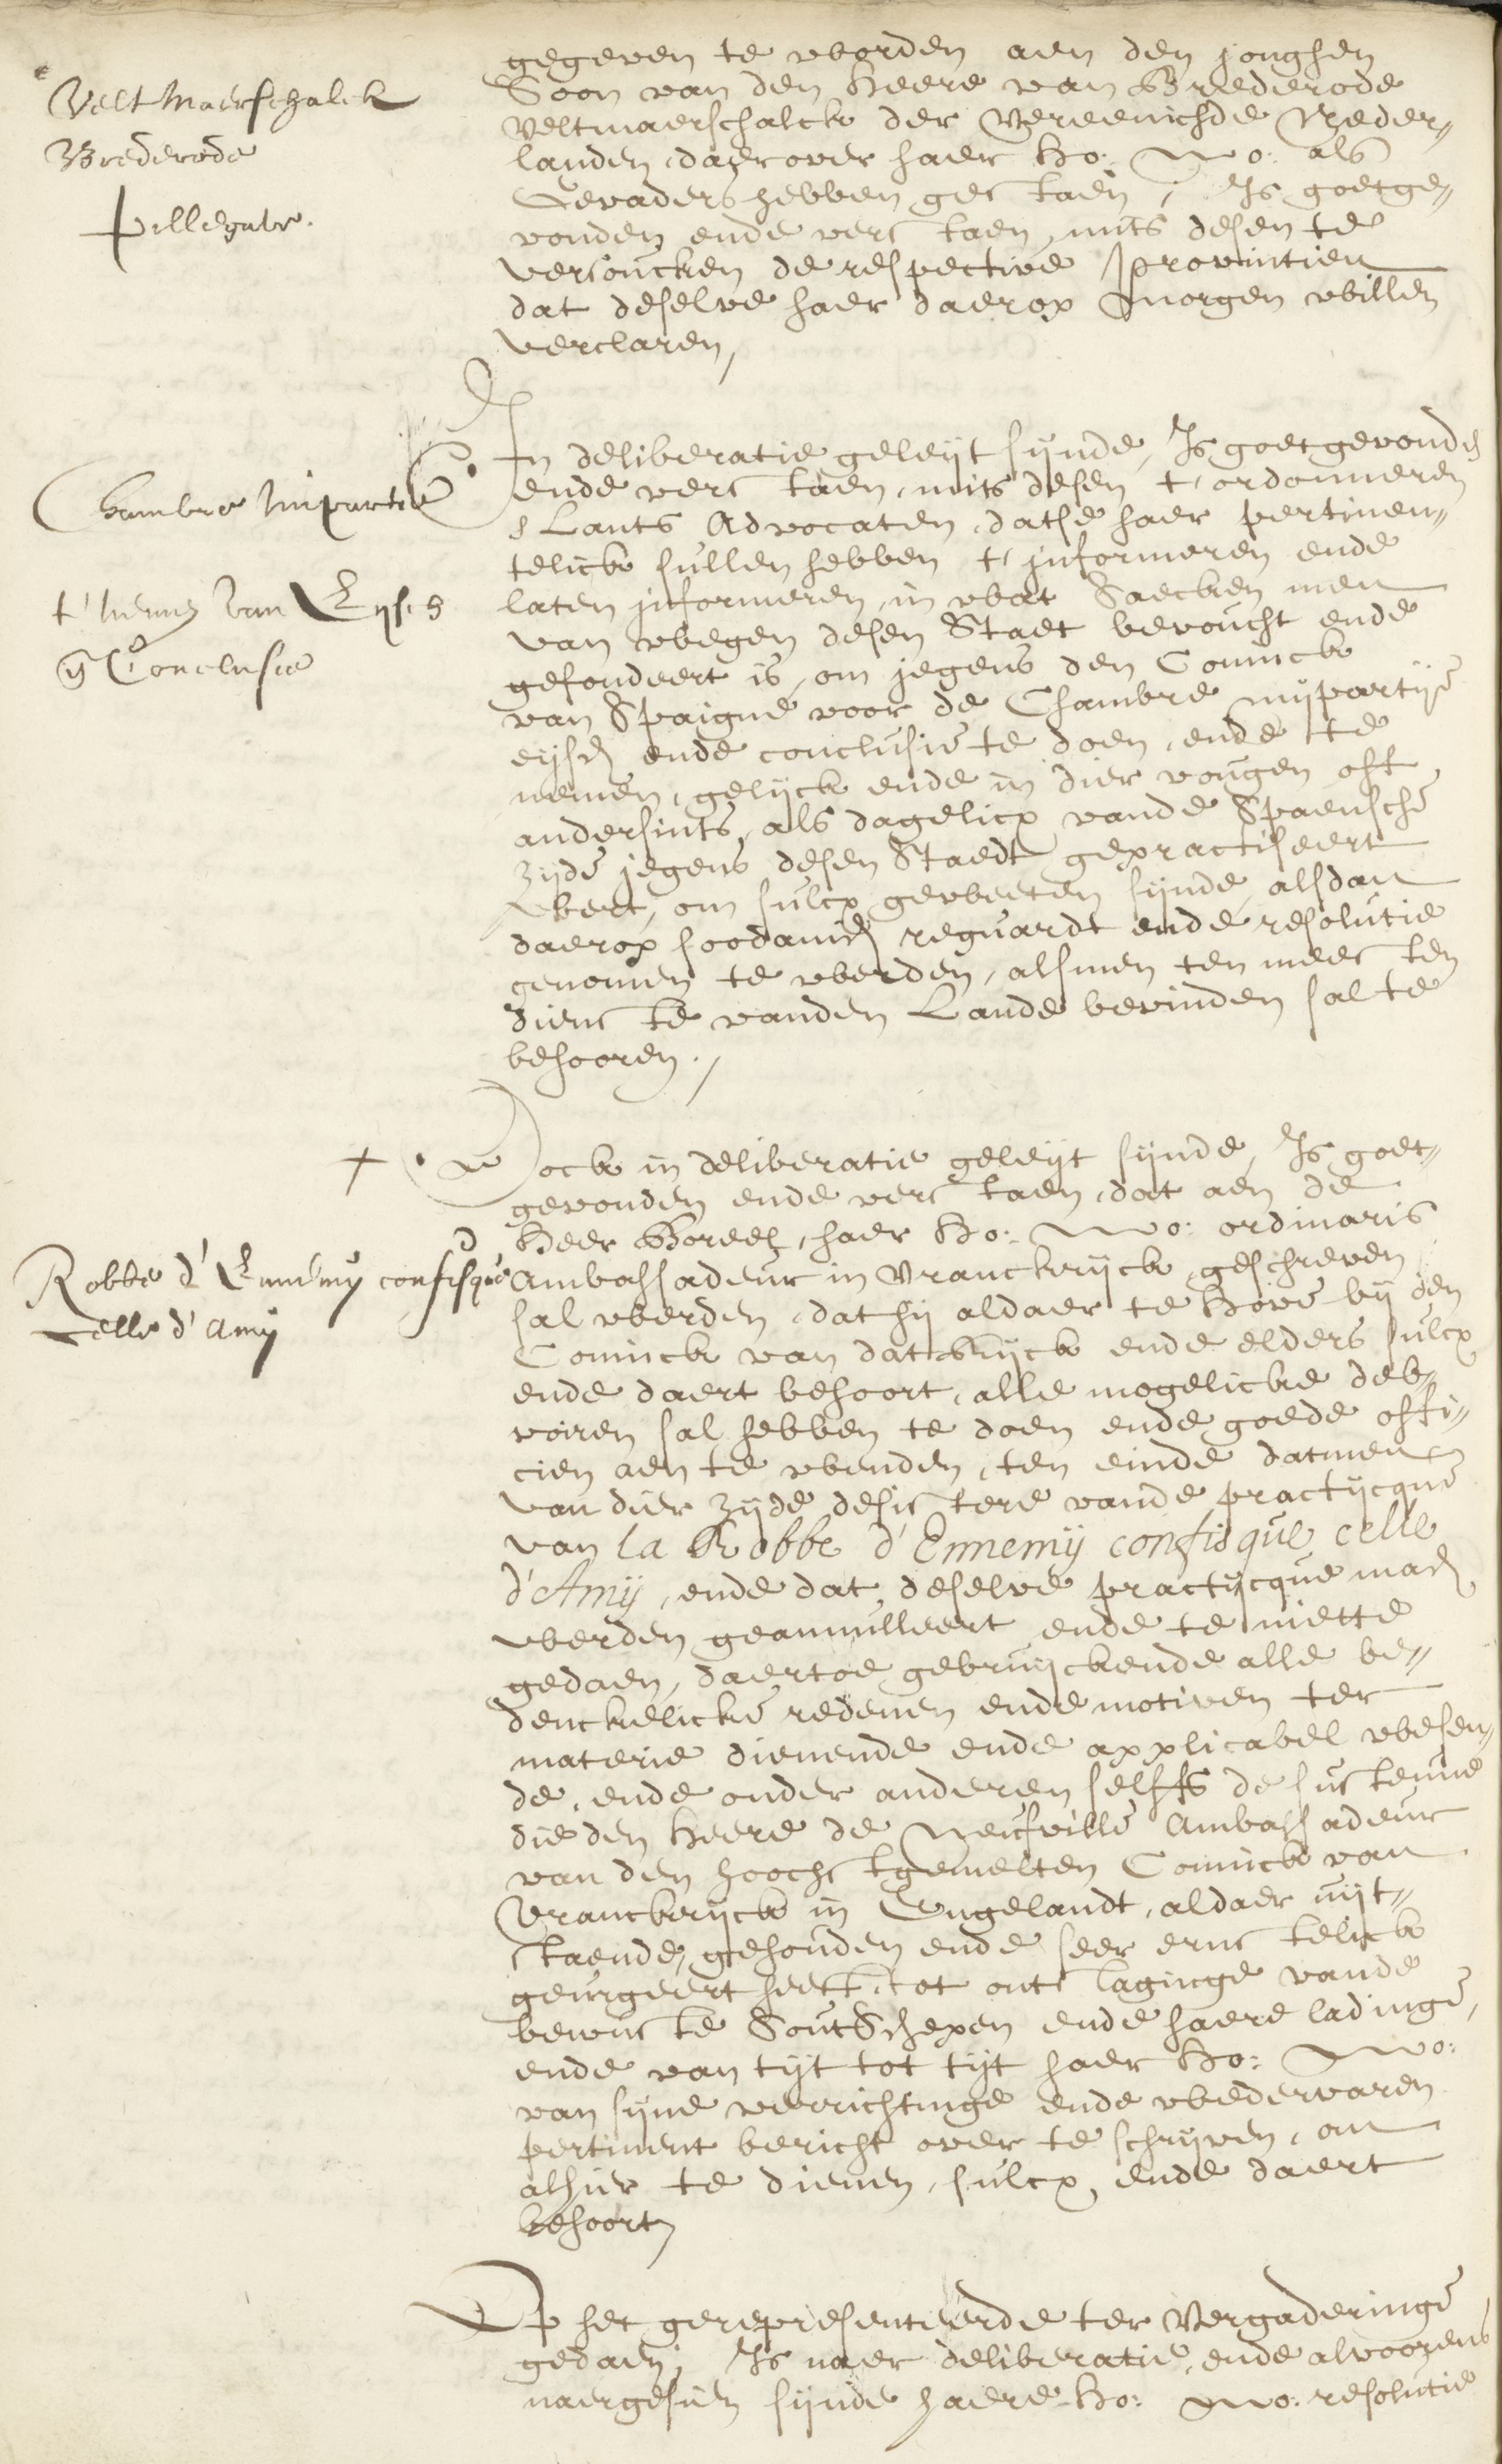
VeltMaerschalck
Brederode
Pillegave.
gegeven te worden aen den jonghen
Soon van den heere van Brederode
Veltmaerschalck der Vereenichde Neder„
landen, daer over haer Ho:Mo: als
Gevaders hebben gestaen, Is goetge„
vonden ende verstaen, mits desen te
versoucken de respective Provintien
dat deselve haer daerop morgen willen
verclaren.
Chambre mipartie
t' nemen van Eysch
& Conclusie
In deliberatie geleijt sijnde, Is goetgevonden
ende verstaen, mits desen t‛ordonneren
sLants Advocaten, datse haer pertinen„
telick sullen hebben t' informeren ende
laten informeren, in wat Saecken men
van wegen desen Staet bevoucht ende
gefondeert is, om jegens den Coninck
van Spaigne voor de Chambre mijpartije
eijsch ende conclusie te doen, ende te
nemen, gelijck ende in dier vougen off
andersints als dagelicx vande Spaensche
zijde jegens desen Staedt gepractiseert
wert, om sulcx geweeten sijnde alsdan
daerop soodanich reguardt ende resolutie
genomen te werden, alsmen ten meesten
dienste vanden Lande bevinden sal te
behooren
Robbe d' Ennemy confisque
celle d'Amij
Oock in deliberatie geleijt sijnde, Is goet„
gevonden ende verstaen, dat aen de
Heer Boreel, haer Ho:Mo: ordinaris
Ambassadeur in Vranckrijck, geschreven
sal werden, dat hij aldaer te Hove bij den
Coninck van dat Rijck ende elders sulcx
ende daert behoort, alle mogelicke deb„
voiren sal hebben te doen ende goede offi„
cien aen te wenden, ten einde datmen
van dier zijde desistere vande practijcque
van la Robbe d'Ennemij confisque celle
d'Amij, ende dat deselve practijcque mach
werden geannulleert ende te niette
gedaen, daertoe gebruijckende alle be„
denckelicke redenen ende motiven ter
materie dienende ende applicabel wesen„
de, ende onder anderen selffs de sustenue
die den heere de Neusville Ambassadeur
van den hoochstgemelten Coninck van
Vranckrijck in Engelandt, aldaer uijt„
staende, gehouden ende seer ernstelick
geurgeert heeft, tot ontslaginge vande
bewuste Soutschepen ende haere ladinge,
ende van tijt tot tijt haer Ho:Mo:
van sijne verrichtinge ende wedervaren
pertinent bericht over te schrijven, om
alhier te dienen, sulcx ende daert
behoort.
Op het gerepresenteerde ter Vergaderinge
gedaen; Is naer deliberatie, ende alvoorens
naergesien sijnde haere Ho:Mo: resolutie
